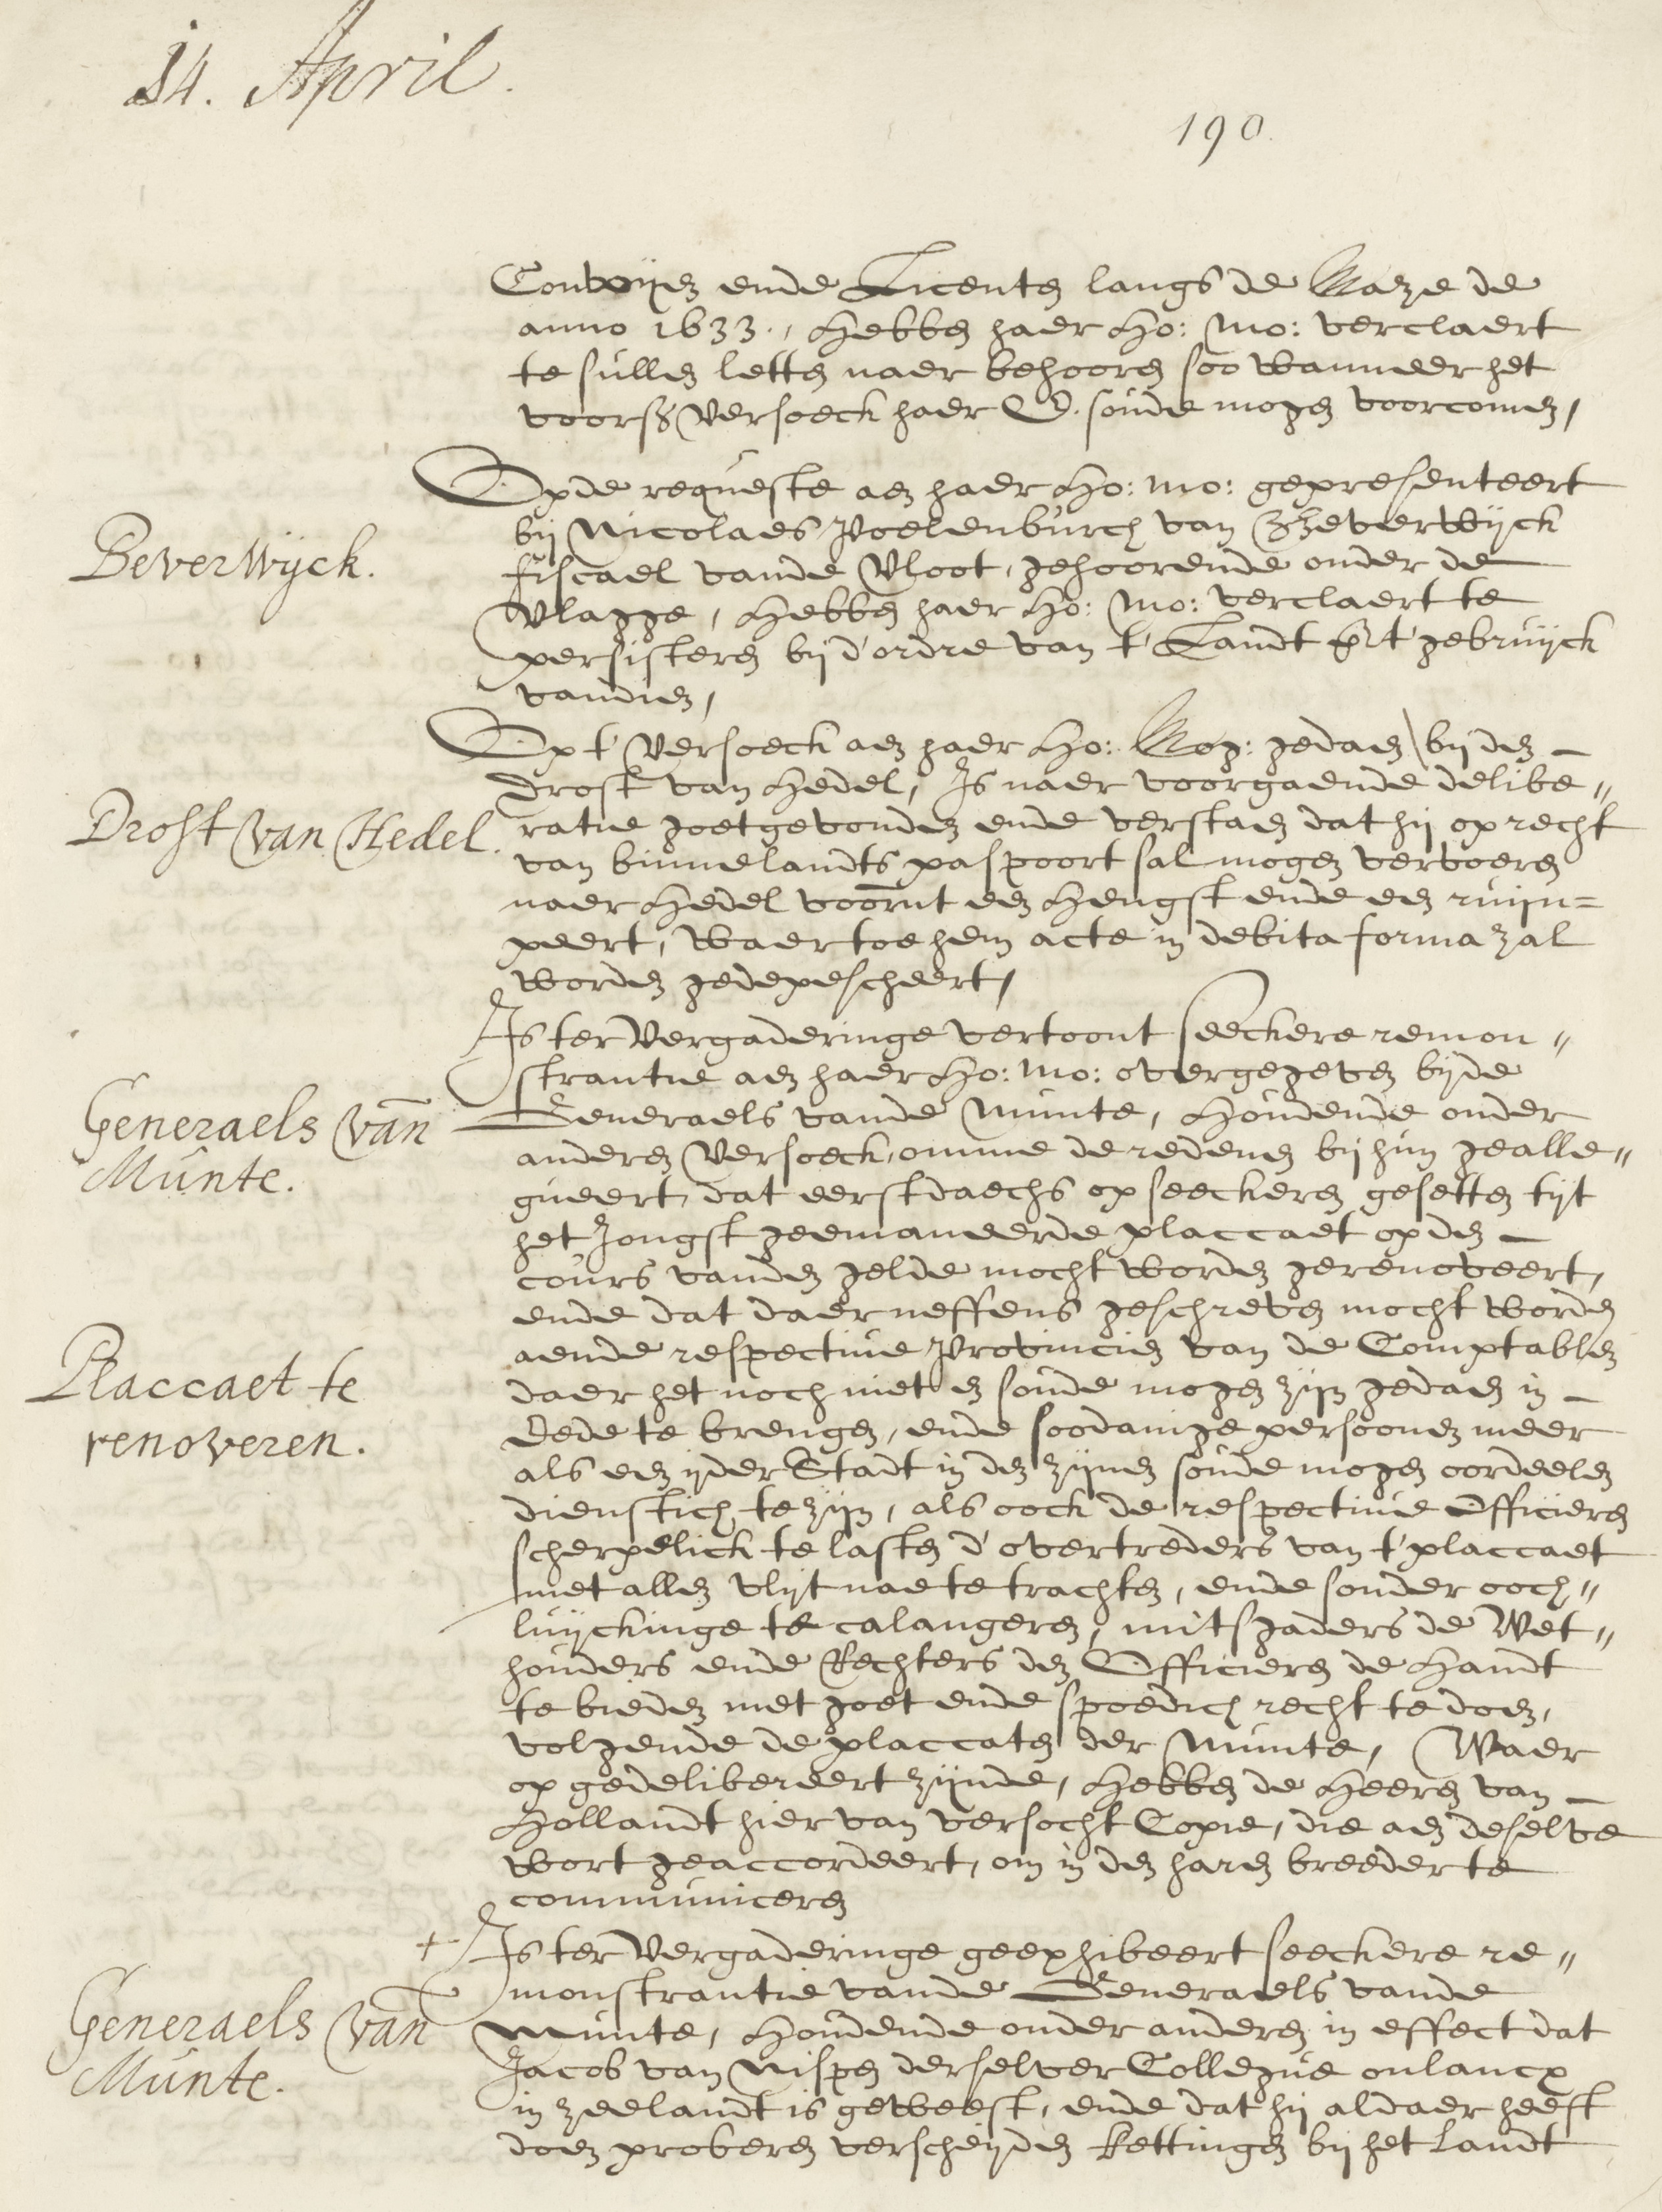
190.
14. April.
Convoijen ende Licenten langs de Maze de
anno 1633., hebben haer Ho:Mo: verclaert
te sullen letten naer behooren soo wanneer het
voors Versoeck haer E. soude mogen voorcomen.
Beverwijck.
Opde requeste aen haer Ho:Mo: gepresenteert
bij Nicolaes Poelenburch van Beverwijck
fiscael vande Vloot, gehoorende onder de
Vlagge, hebben haer Ho:Mo: verclaert te
persisteren bij d‛ordre van t'Landt & t‛gebruijck
vandien.
Drost van Hedel.
Opt‛ versoeck aen haer Ho:Mo: gedaen bij den
Drost van Hedel, Is naer voorgaende delibe„
ratie goetgevonden ende verstaen dat hij oprecht
van binnelandts paspoort sal mogen vervoeren
naer Hedel voornt een Hengst ende een ruijn„
peert, waertoe hem acte in debita forma zal
worden gedepescheert.
Generaels van
Munte.
Placcaet te
renoveren.
Is ter Vergaderinge vertoont seeckere remon„
strantie aen haer Ho:Mo: overgegeven bijde
Generaels vande Munte, houdende onder
anderen Versoeck, omme de redenen bij hun gealle„
gueert, dat eerstdaechs op seeckeren gesetten tijt
het Jongst geemaneerde placcaet op den —
cours vanden gelde mocht worden gerenoveert,
ende dat daerneffens geschreven mocht worden
aende respectiue Provincien van de Comptablen
daer het noch niet en soude mogen zijn gedaen in
Eede te brengen, ende soodanige persoonen meer
als een ijder Stadt in den zijnen soude mogen oordeelen
dienstich te zijn, als oock de respectiue Officieren
scherpelick te lasten d'overtreders van t'placcaet
met allen vlijt nae te trachten, ende sonder ooch„
luijckinge te calangeren, mitsgaders de Wet„
houders ende Rechters den Officieren de handt
te bieden met goet ende spoedich recht te doen,
volgende de placcaten der Munte. Waer
op gedelibereert zijnde, hebben de heeren van
Hollandt hier van versocht Copie, die aen deselve
wort geaccordeert, om in den haren breeder te
communiceren.
Generaels van
Munte.
Is ter Vergaderinge geexhibeert seeckere re„
monstrantie vande Generaels vande
Munte, houdende onder anderen in effect dat
Jacob van Nispen derselver Collegie onlancx
in zeelandt is geweest, ende dat hij aldaer heeft
doen proberen verscheijden Rettingen bij het Landt
